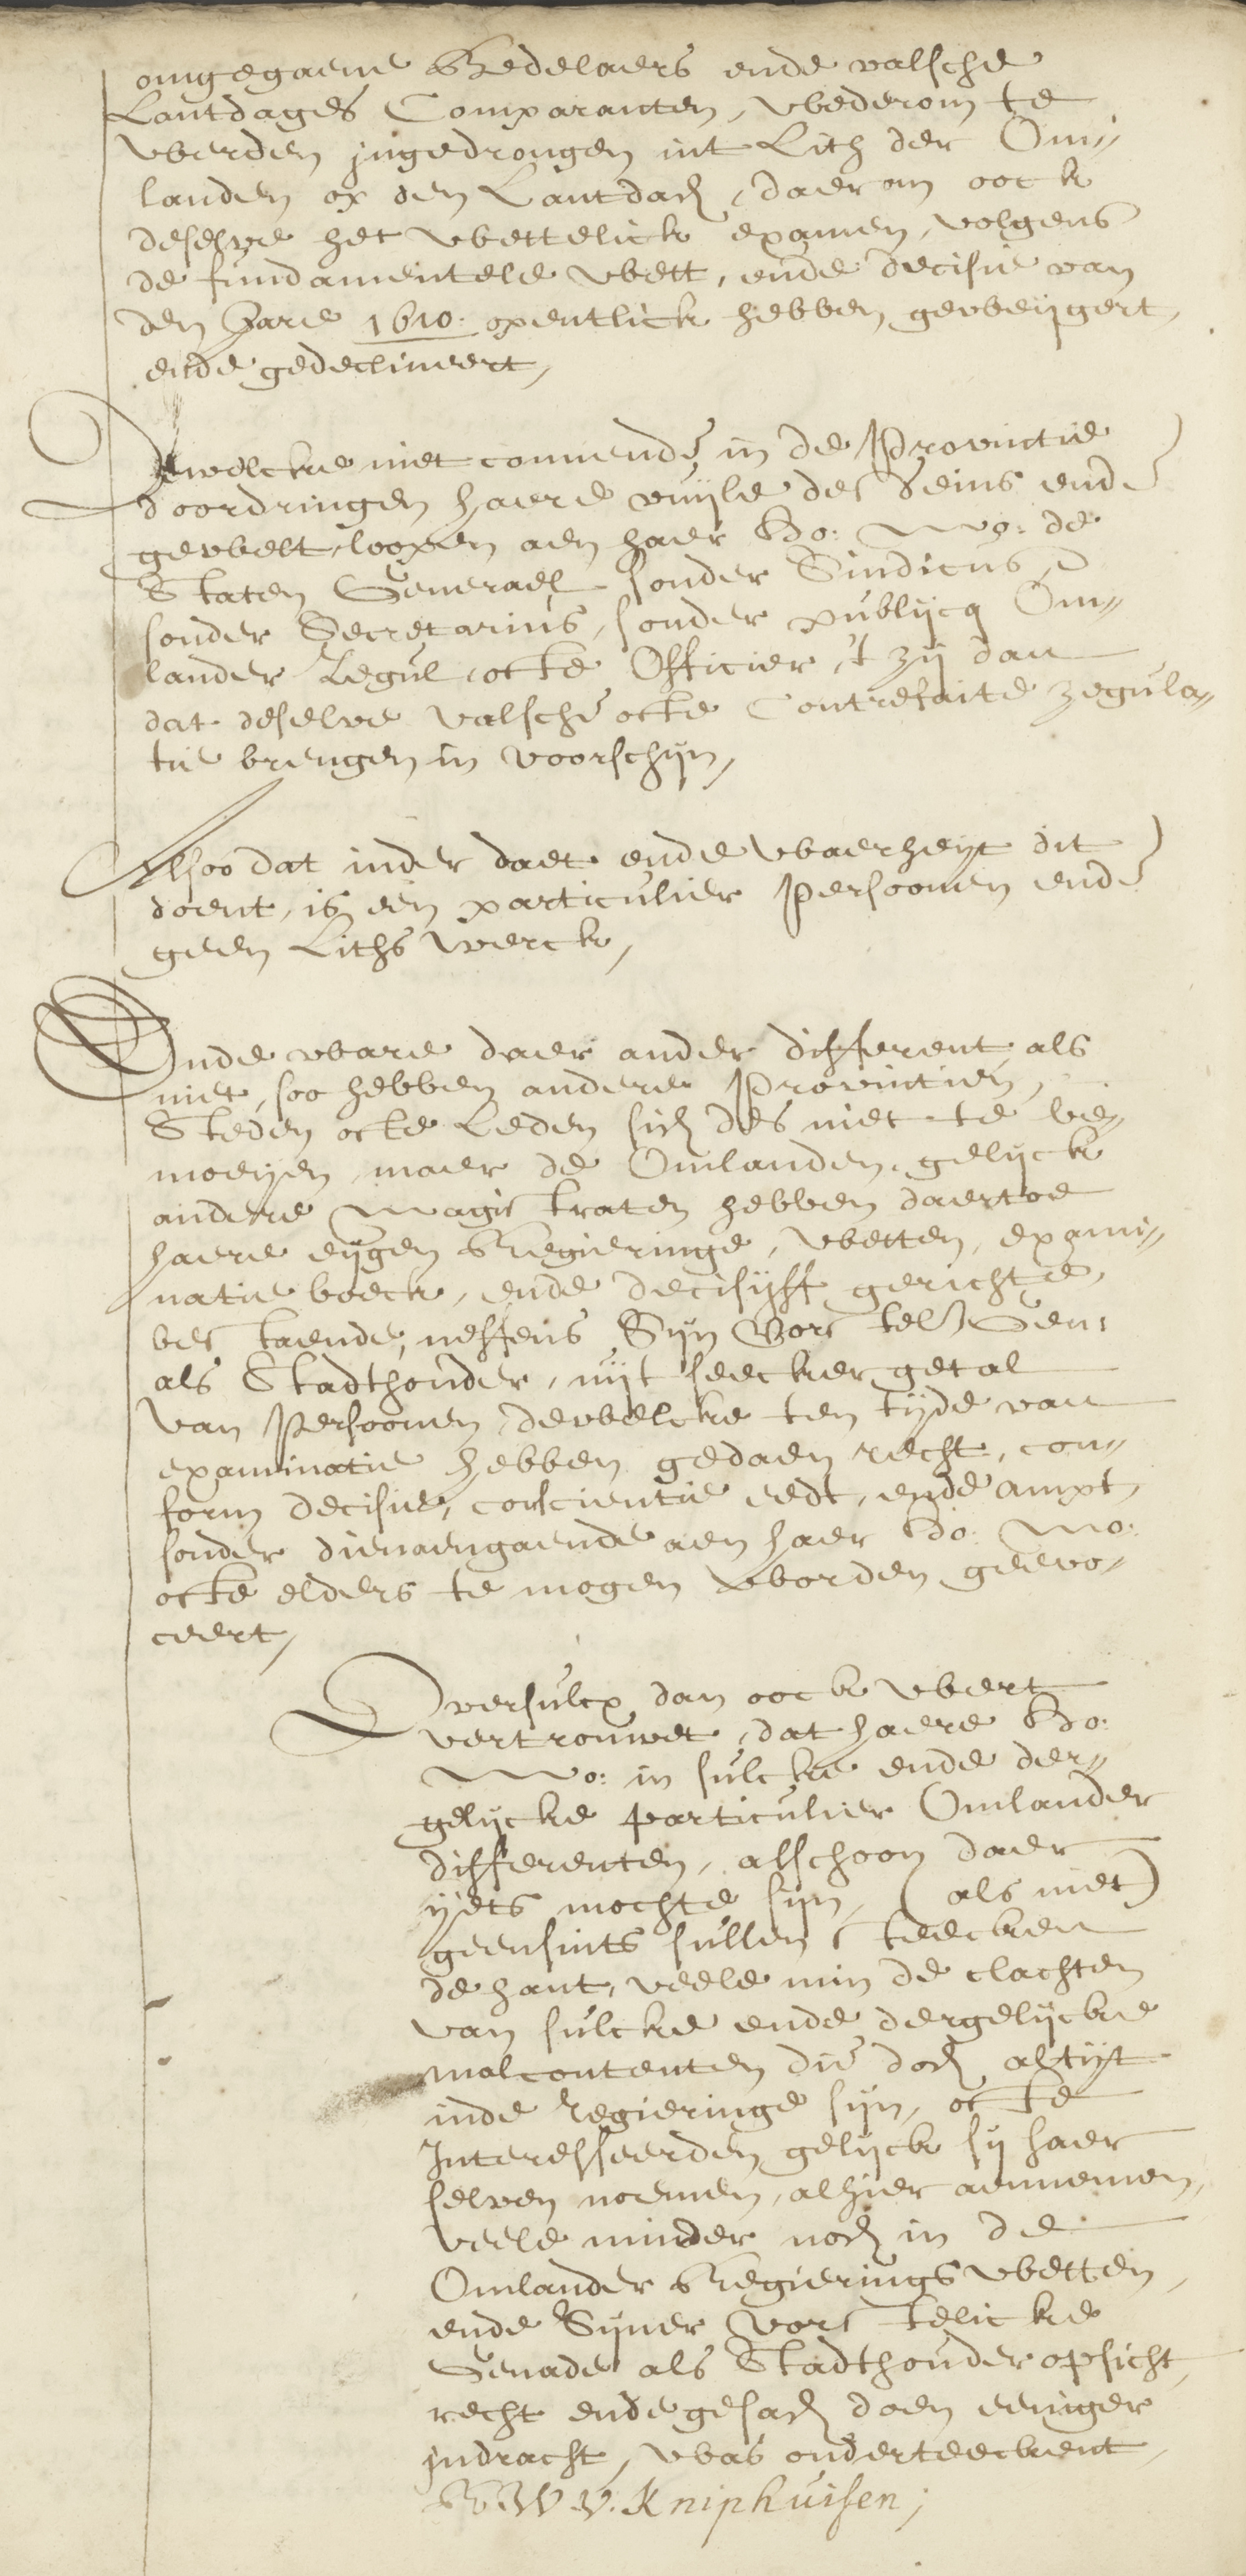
omgegaene Bedelaers ende valsche
Lantdages Comparanten, wederom te
werden ingedrongen int Lith der Om„
landen op den Lantdach, daerom oock
deselve het wettelick examen, volgens
de fundamentele wett, ende decisie van
den Jare 1610. opentlick hebben geweijgert,
ende gedeclineert.
Dewelcke niet connende, in de Provintie
doordringen haere vuijle desseins ende
gewelt, loopen aen haer Ho:Mo: de
Staten Generael sonder Sindicus
sonder Secretarius, sonder publijcq Om,,
Lander Zegul, ofte Officier, 't zij dan
dat deselve valsche ofte Contrefaite zegula„
tie brengen in voorschijn.
Alsoo dat inder daet ende waerheijt dit
doent, is een particulier Persoonen ende
geen Liths werck.
Ende ware daer ander different als
niet, soo hebben andere Provintien,
Steden ofte Leden sich des niet te be„
moeijen, maer de Omlanden, gelijck
andere magistraten hebben daertoe
haere eijgen Regieringe, wetten, exami„
natie boeck, ende decisijff gerichte
bestaende, neffens Sijn Vorstel Gen:
als Stadthouder, uijt seecker getal
van Persoonen, dewelcke ten tijde van
examinatie hebben gedaen recht, con„
form decisie, conscientie eedt, ende ampt,
sonder dienaengaende aen haer Ho:Mo:
ofte elders te mogen worden geevo„
ceert.
Oversulcx dan oock wert
vertrouwet, dat haere Ho:
Mo: in sulcke ende der„
gelijcke particulier Omlander
differenten, alschoon daer
ijets mochte sijn, (als niet)
geensints sullen steecken
de hant, veele min de clachten
van sulcke ende dergelijcke
malcontenten die doch altijt
inde Regieringe sijn, ofte
Interesseerden gelijck sij haer
selven noemen, alhier aennemen,
veele minder noch in de
Omlander Regierings wetten,
ende Sijner vorstelicke
Genade als Stadthouder opsicht,
recht ende gesach doen eeniger
indracht, was onderteeckent
R. W. V. Kniphuisen
